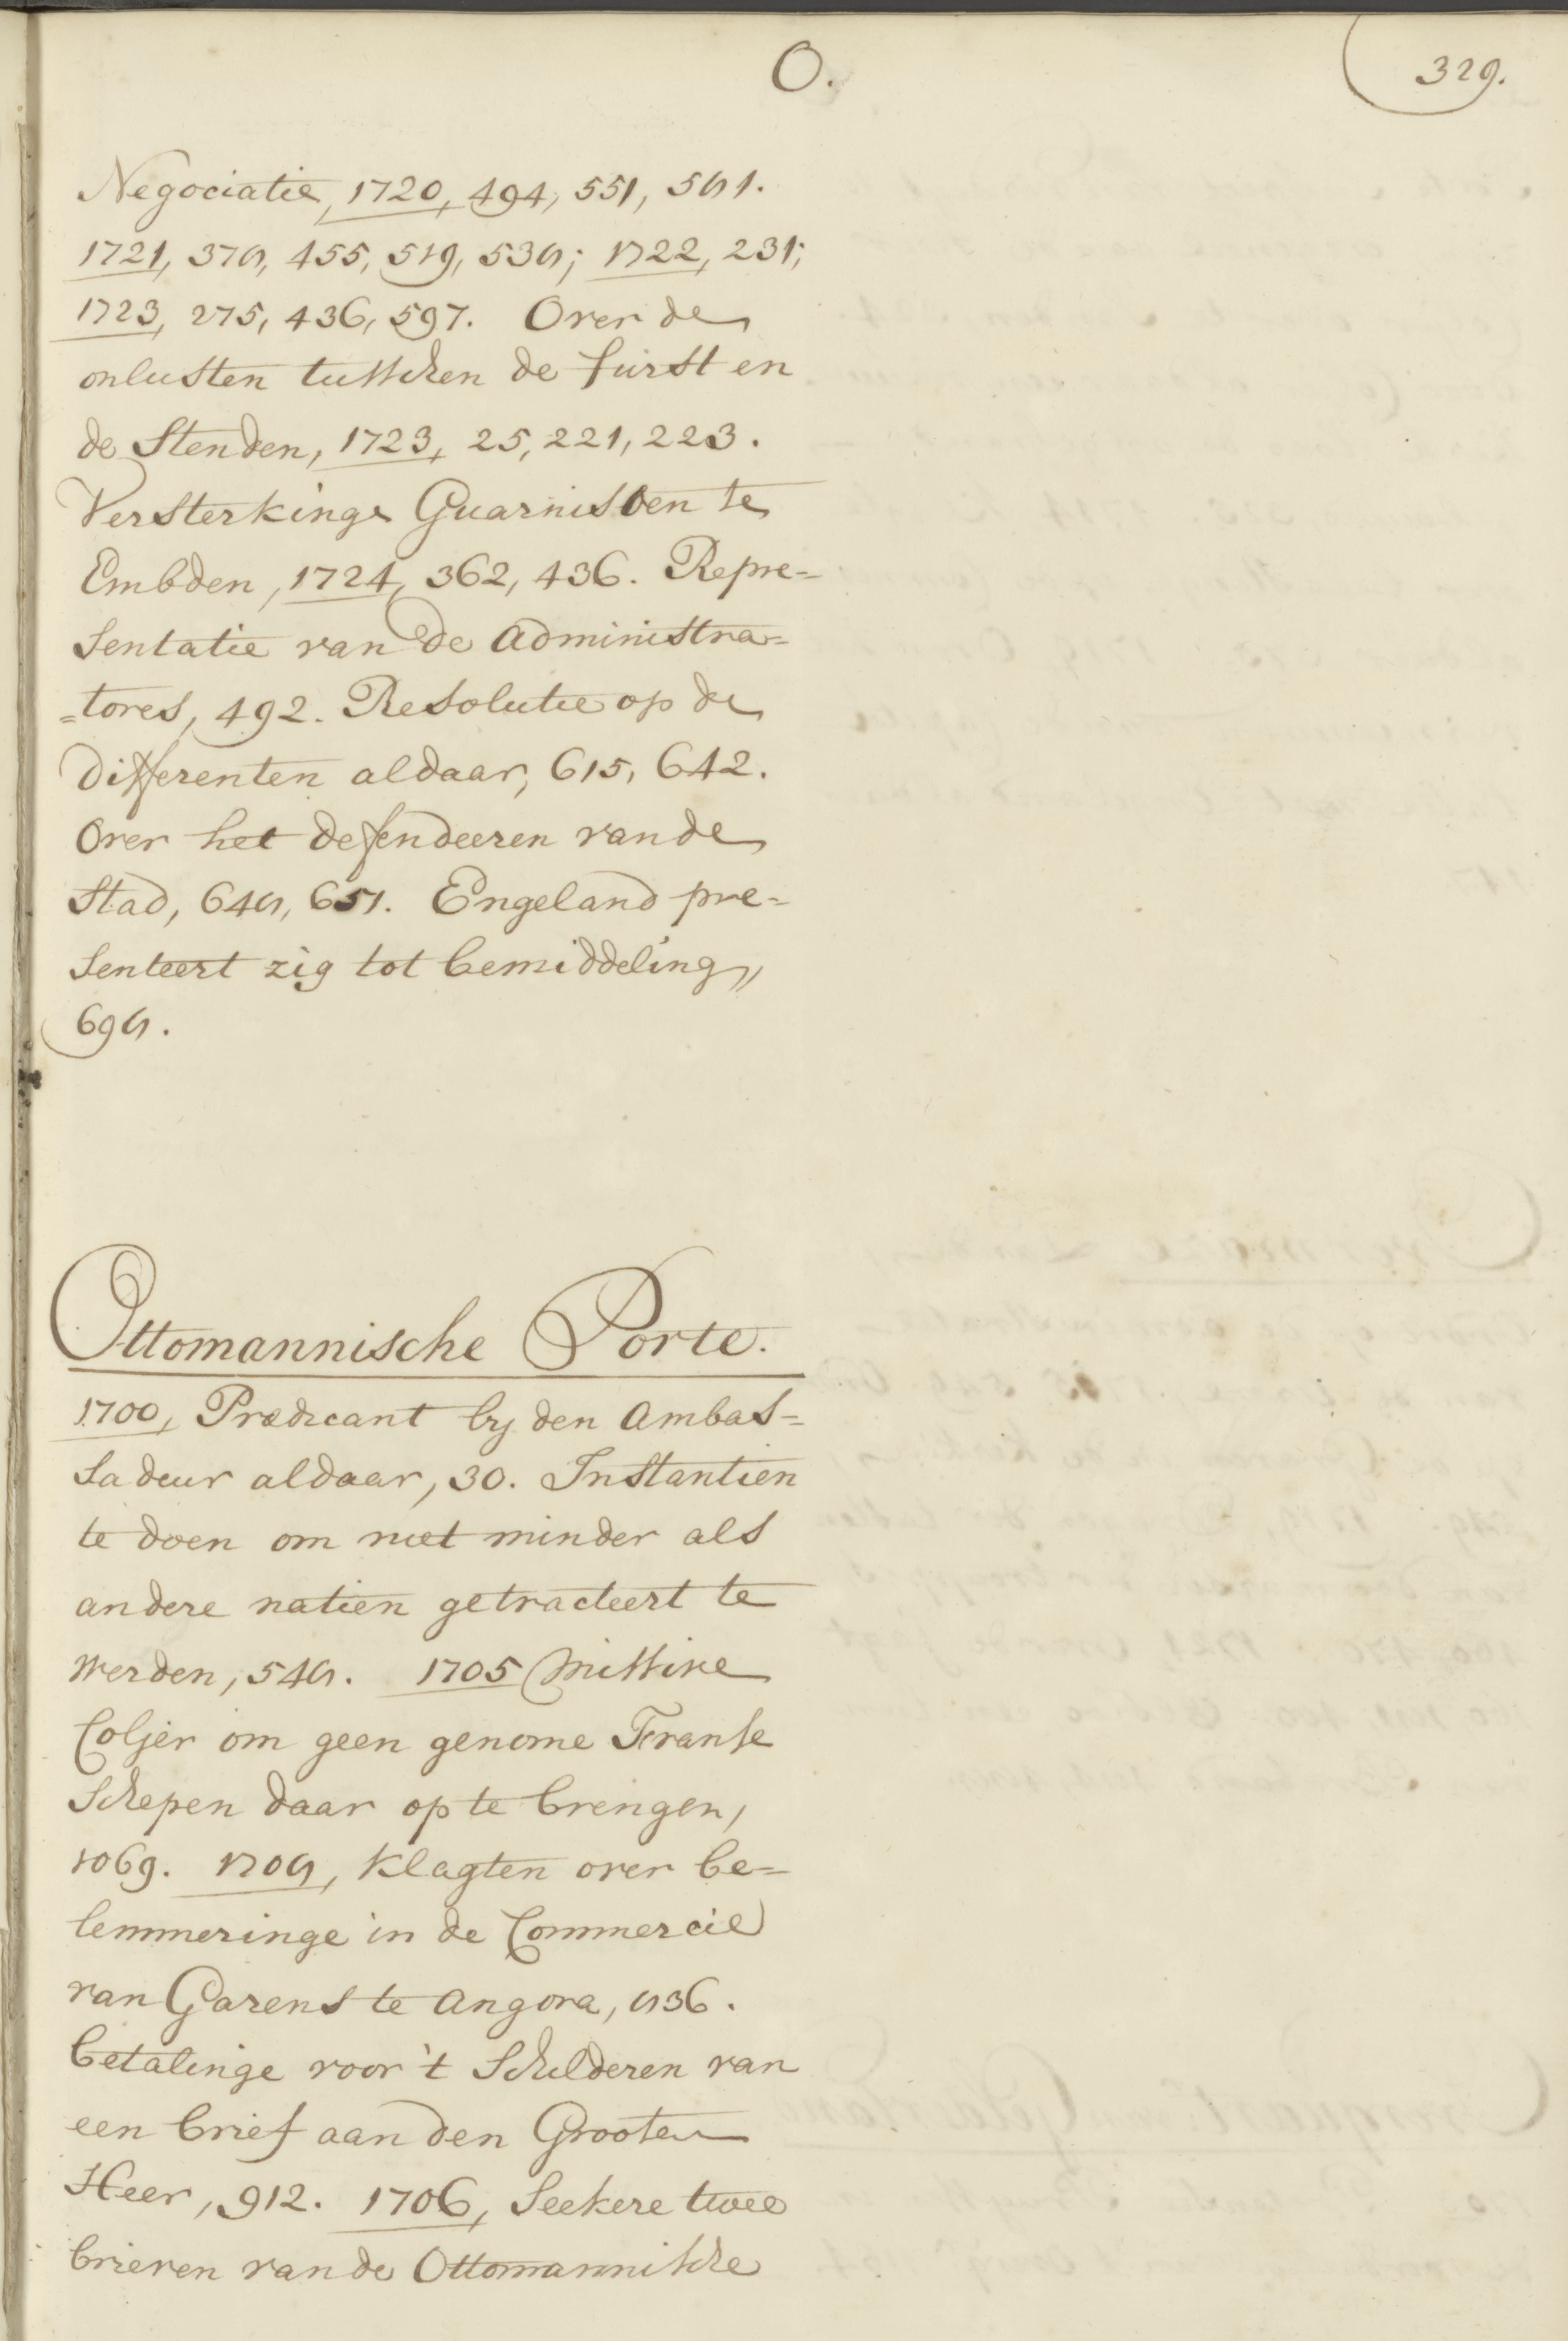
329
O
Negociatie, 1720, 494, 551, 581.
1721, 378, 455, 519, 538; 1722, 231;
1723, 275, 436, 597. Over de
onlusten tusschen de furst en
de Stenden, 1723, 25, 221, 223,
Versterkinge Guarnissoen te
Embden, 1724, 362, 436, Repre„
sentatie van de administra„
tores, 492. Resolutie op de
differenten aldaer, 615, 642.
Over het defendeeren van de
Stad, 648, 651. Engeland pre„
senteert zig tot bemiddeling,
698.
Ottomannische Porte.
1700, Predicant bij den ambas„
sadeur aldaer, 30. Instantien
te doen om niet minder als
andere natien getracteert te
werden, 548. 1705 Missive
cohier om geen genome Franse
schepen daer op te brengen,
1069. 1708, Klagten over be„
lemmeringe in de Commercie
van Garens te Angora, 836.
betalinge voor 't schilderen van
een brief aan den Grooten
Heer, 912. 1706, Seekere twee
brieven van de Ottomannische
